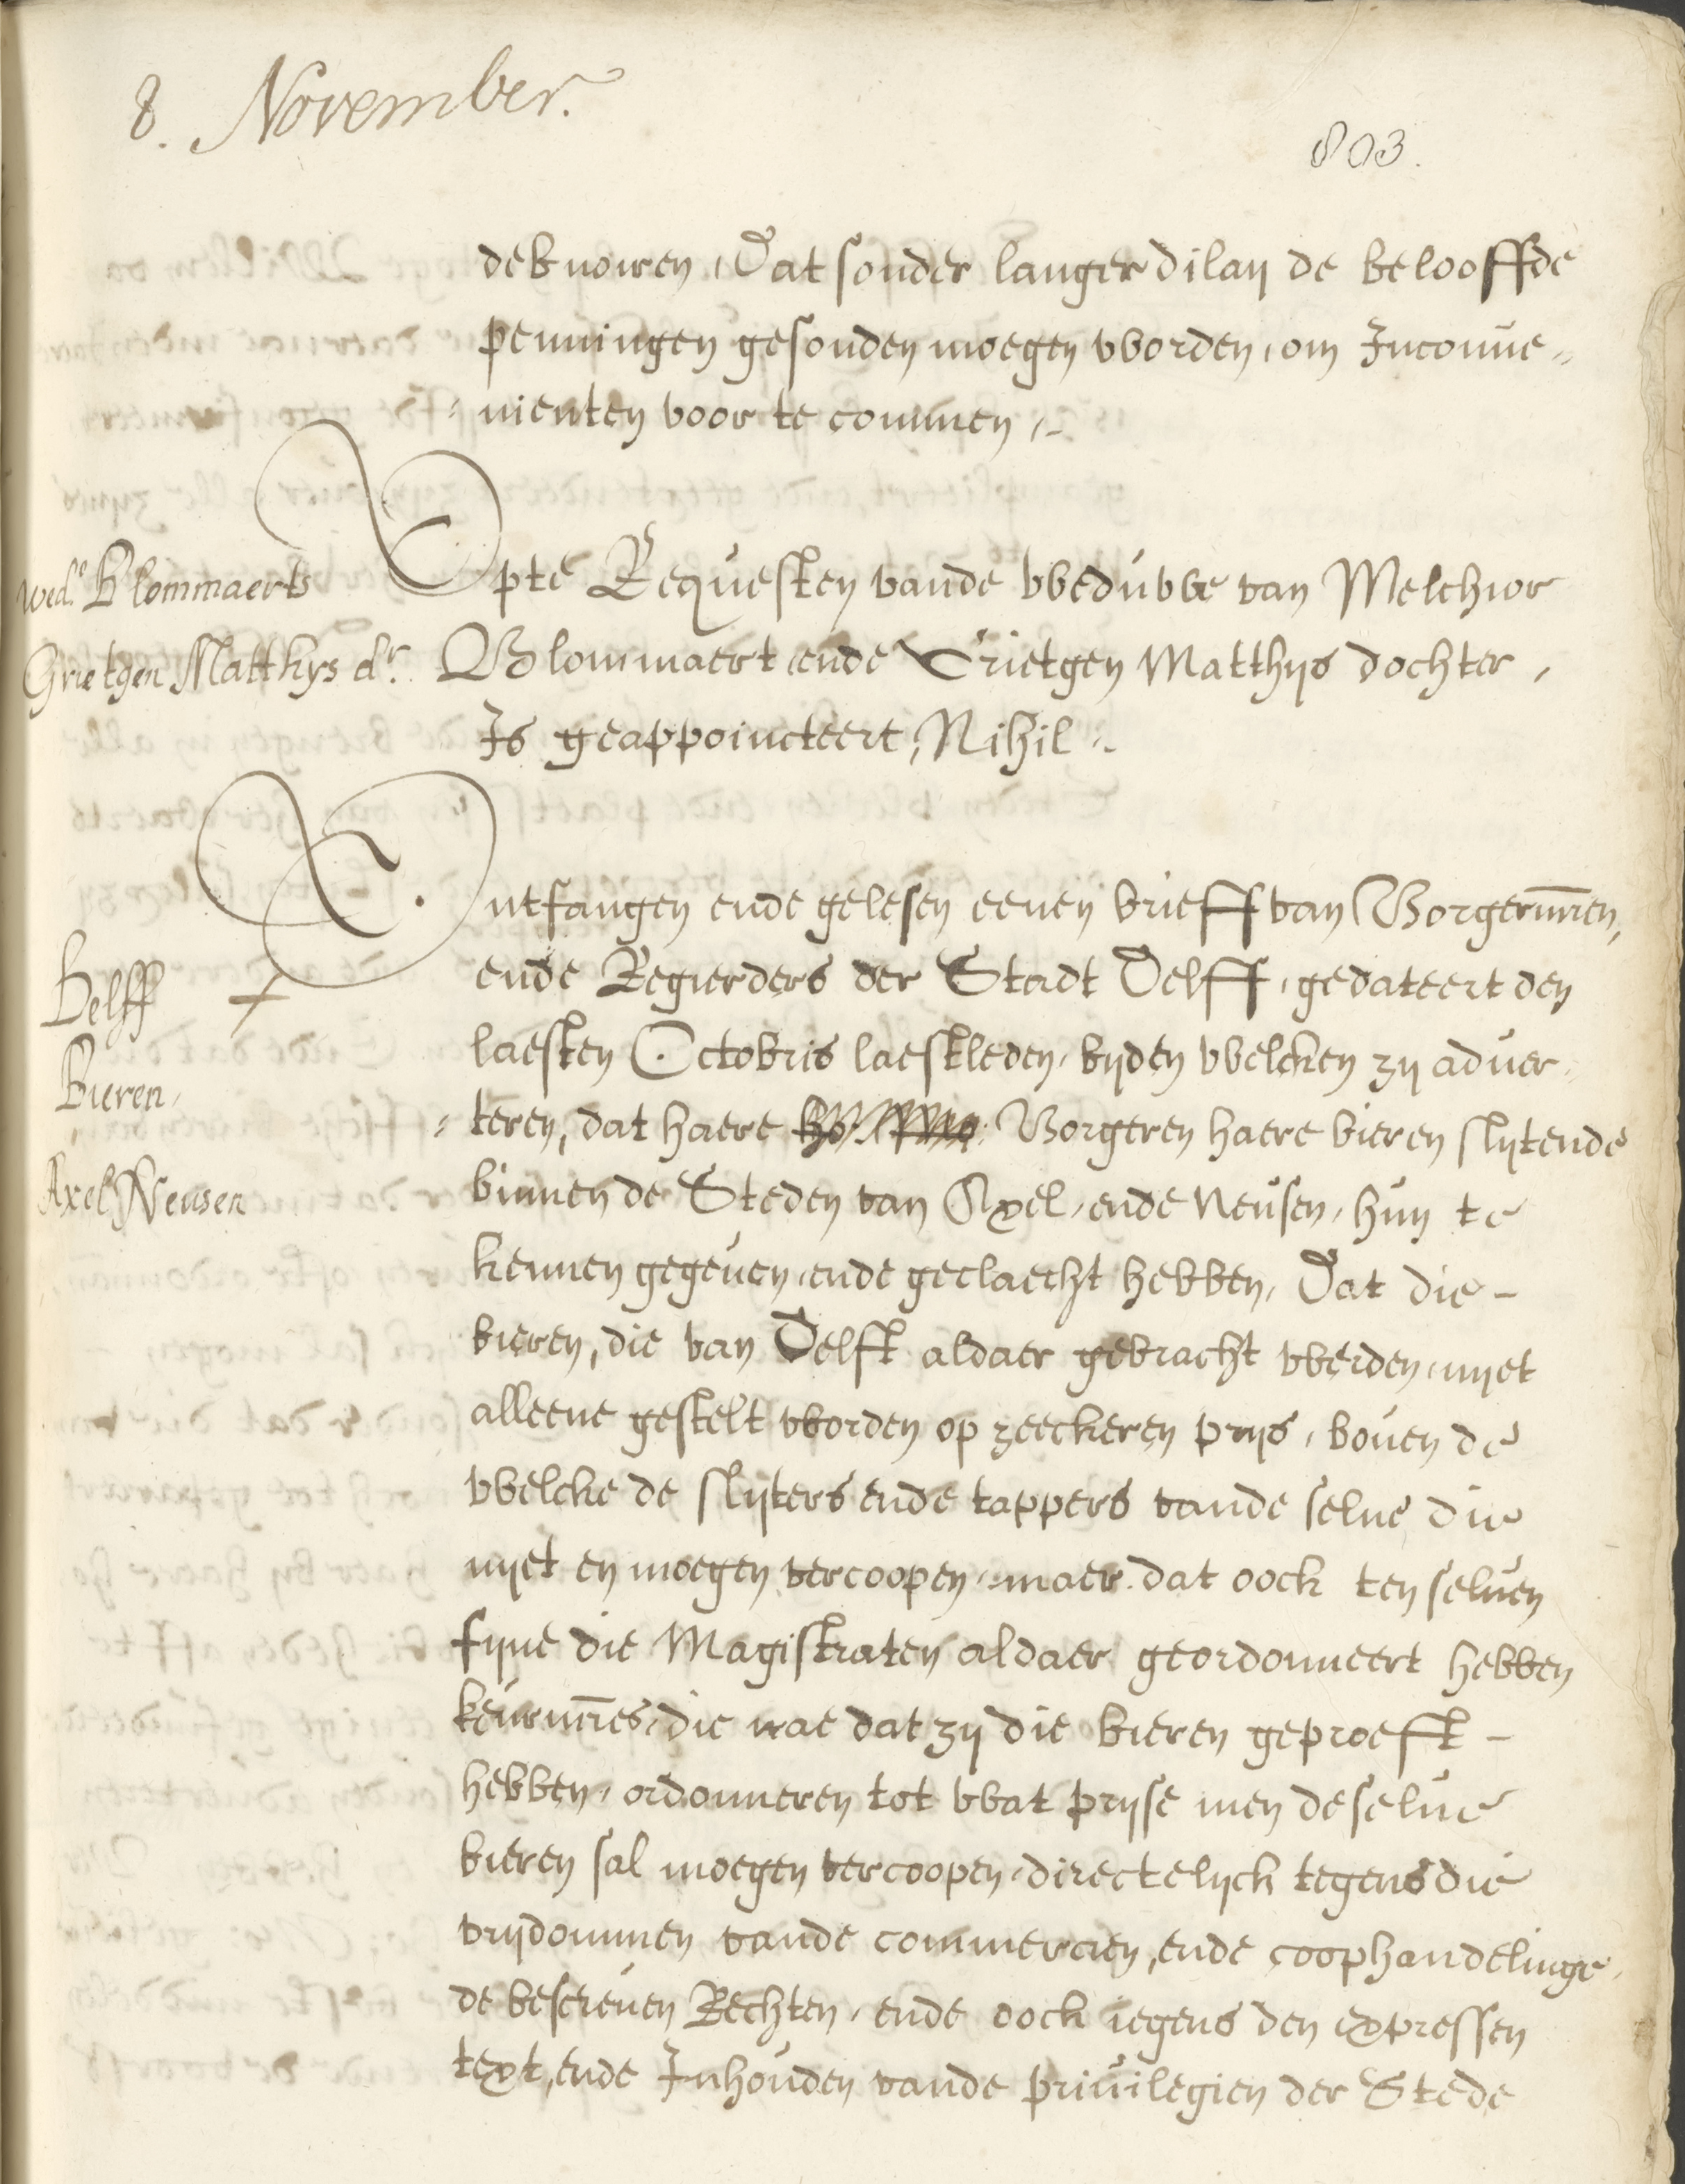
803.
8. November.
debuoiren, dat sonder langer dilay de belooffde
penningen gesonden moegen worden om Inconue„
nienten voor te commen.
Wede. Blommaerts
Grietgen Matthys dr
Opte Requesten vande weduwe van Melchior
Blommaert, ende Grietgen Matthys dochter
Is geappoincteert, Nihil.
Delff
Bieren
Axel Neusen
Ontfangen ende gelesen eenen brieff van Borgermren
ende Regierders der Stadt Delff, gedateert den
laesten Octobris laestleden, byden welkcken zij aduer„
,,teren dat haere Ho:Mo: Borgeren haere bieren slytende
binnen de Steden van Axel, ende Neusen, hun te
kennen gegeuen ende geclaecht hebben, Dat die
bieren, die van Delft aldaer gebracht werden, nyet
alleene gestelt worden op zeeckeren prys, bouen de
welke de slyters ende tappers vande selue die
nyet en moegen vercoopen, maer dat oock ten seluen
fyne die Magistraten aldaer geordonneert hebben
keurmres die nae dat zij die bieren geproeft
hebben, ordonneren tot wat pryse men deselue
bieren sal moegen vercoopen, directelyck tegens die
vrydommen vande commercien, ende coophandelinge
de bescreuen Rechten ende oock tegens den expressen
text, ende Inhouden vande priuilegien der Stede
